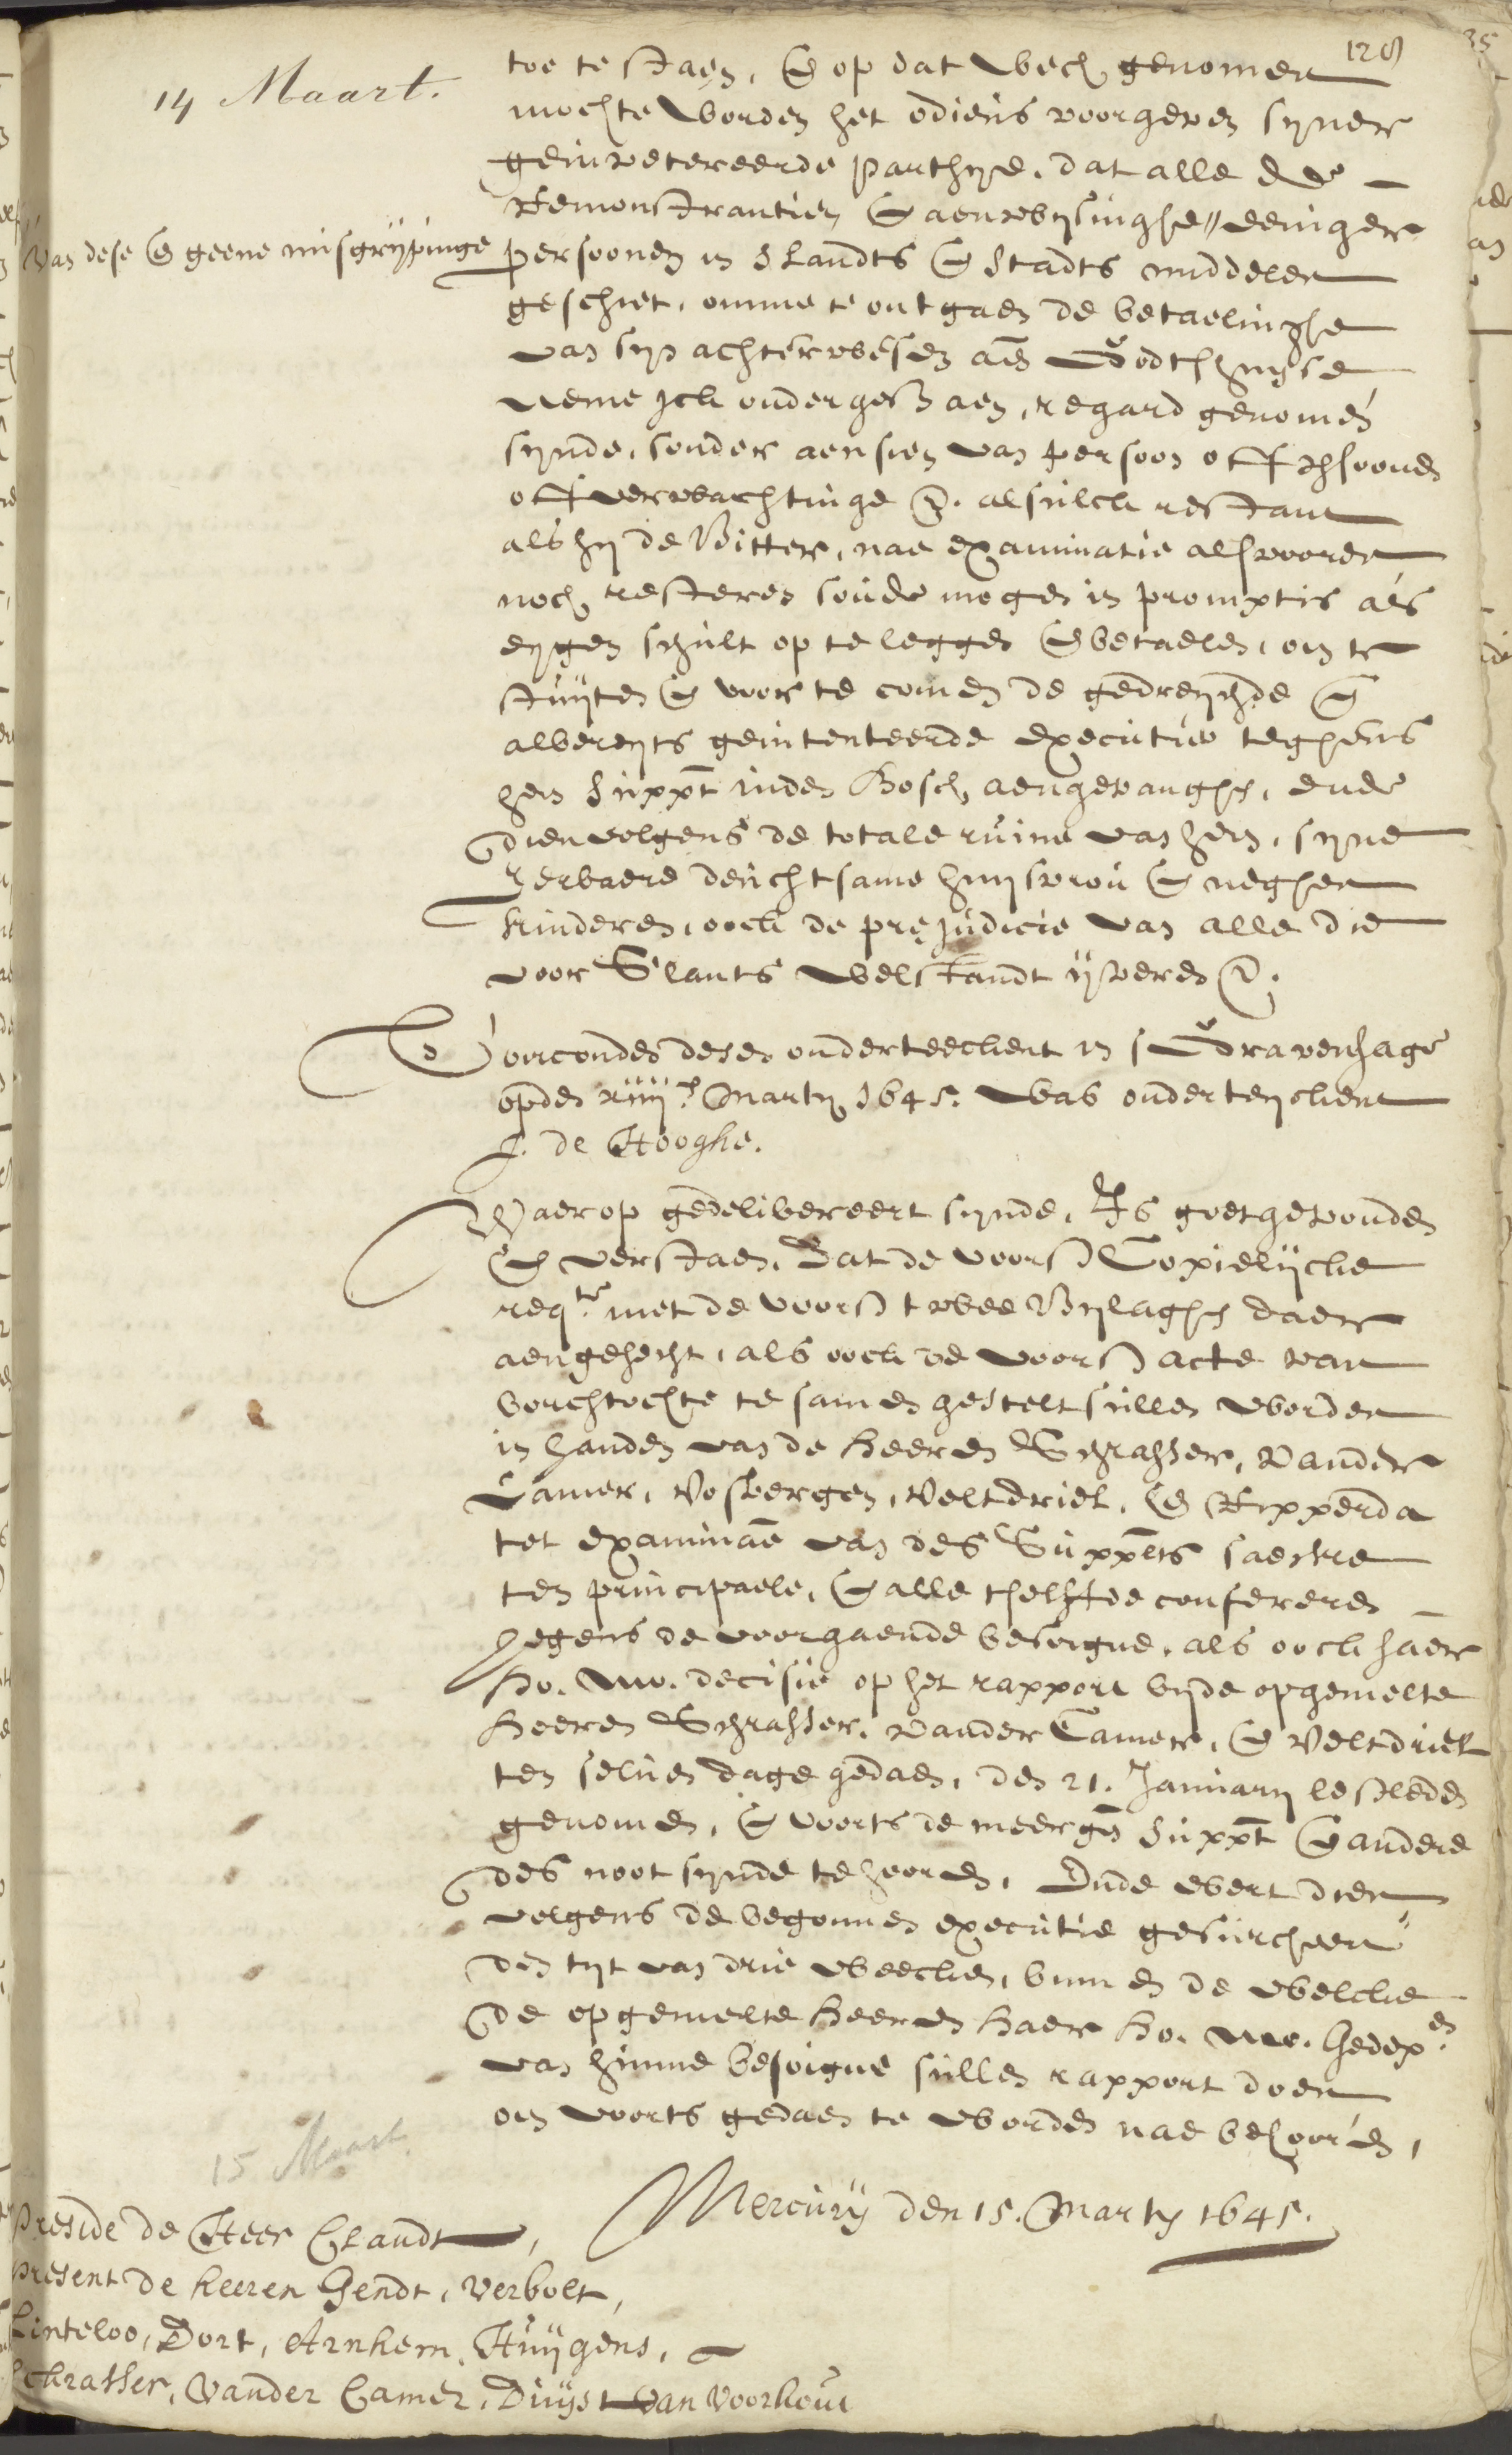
128
14 Maart
Van dese & geene misgrijpinge
toe te staen & op dat wech genomen
mochte worden het odieus voorgeven sijner
geinvetereerde parthije, dat alle de
Remonstrantien & aenwijsinghe,, eeniger
persoonen in s landts & stadts middelen
geschiet, omme t' ontgaen de betaelinghe
van sijn achterwesen aen Godtshuyse,
neme Ick ondergescr. aen, regard genomen
sijnde, sonder aensien van persoon off persoonen
oft verwachtinge & alsulck restant
als hij de Bitter, nae examinatie alsvooren
noch resteren soude mogen in promptis als
eygen schult op te leggen & betaelen om te
stuijten & voort te comen de gedreygde &
albereijts geintenteerde executie teghens
hem supplt inden Bosch aengevanghen, ende
dienvolgens de totale ruine van hem, syne
Eerbaere deuchtsame huysvrou & neghen
kinderen, oock de prejudicie van alle die
voor S'lants welstandt ijveren &.
Ooirconden desen onderteeckent in s Gravenhage
opden xiiiie Martij 1645. Was onderteyckent
J. de Hooghe.
Waerop gedelibereert sijnde, Is goetgevonden
& verstaen dat de voors. Copielijcke
reqte. met de voors. twee Bijlaghen daer
aen gehecht, als oock de voors. acte van
borchtochte te samen gestelt sullen worden
in handen van de heeren Schrasser, van der
Camer, Vosbergen, Veltdriel & Ripperda
tot examinae van des supplts saecke
ten principaele, & alle tselffde confereren
Jegens de voorgaende besoigne als oock Haer
Ho:Mo: decisie op het rapport bij de opgemelte
heeren Schrasse, vander Camer, & Veltdriel
ten selven dage gedaen, den 21 Januarij lestleden
genomen, & voorts te meergem suppt & andere
des noot synde te hooren. Ende wert dien,,
volgens de begonnen executie gesurcheert
den tyt van drie weecken, binnen de welcke
de opgemelte heeren Haer Ho:Mo: Gedepen.
van hunnen besoigne sullen rapport doen
om voorts gedaen te worden nae behooren.
15 Maart
Mercurij den 15. Marty 1641.
Preside de Heer Clandt
present de heeren Gendt, Verbolt,
Linteloo, Dort, Arnhem, Huijgens, —
Schrasser, vander Camer, Duijst van Voorhout.
